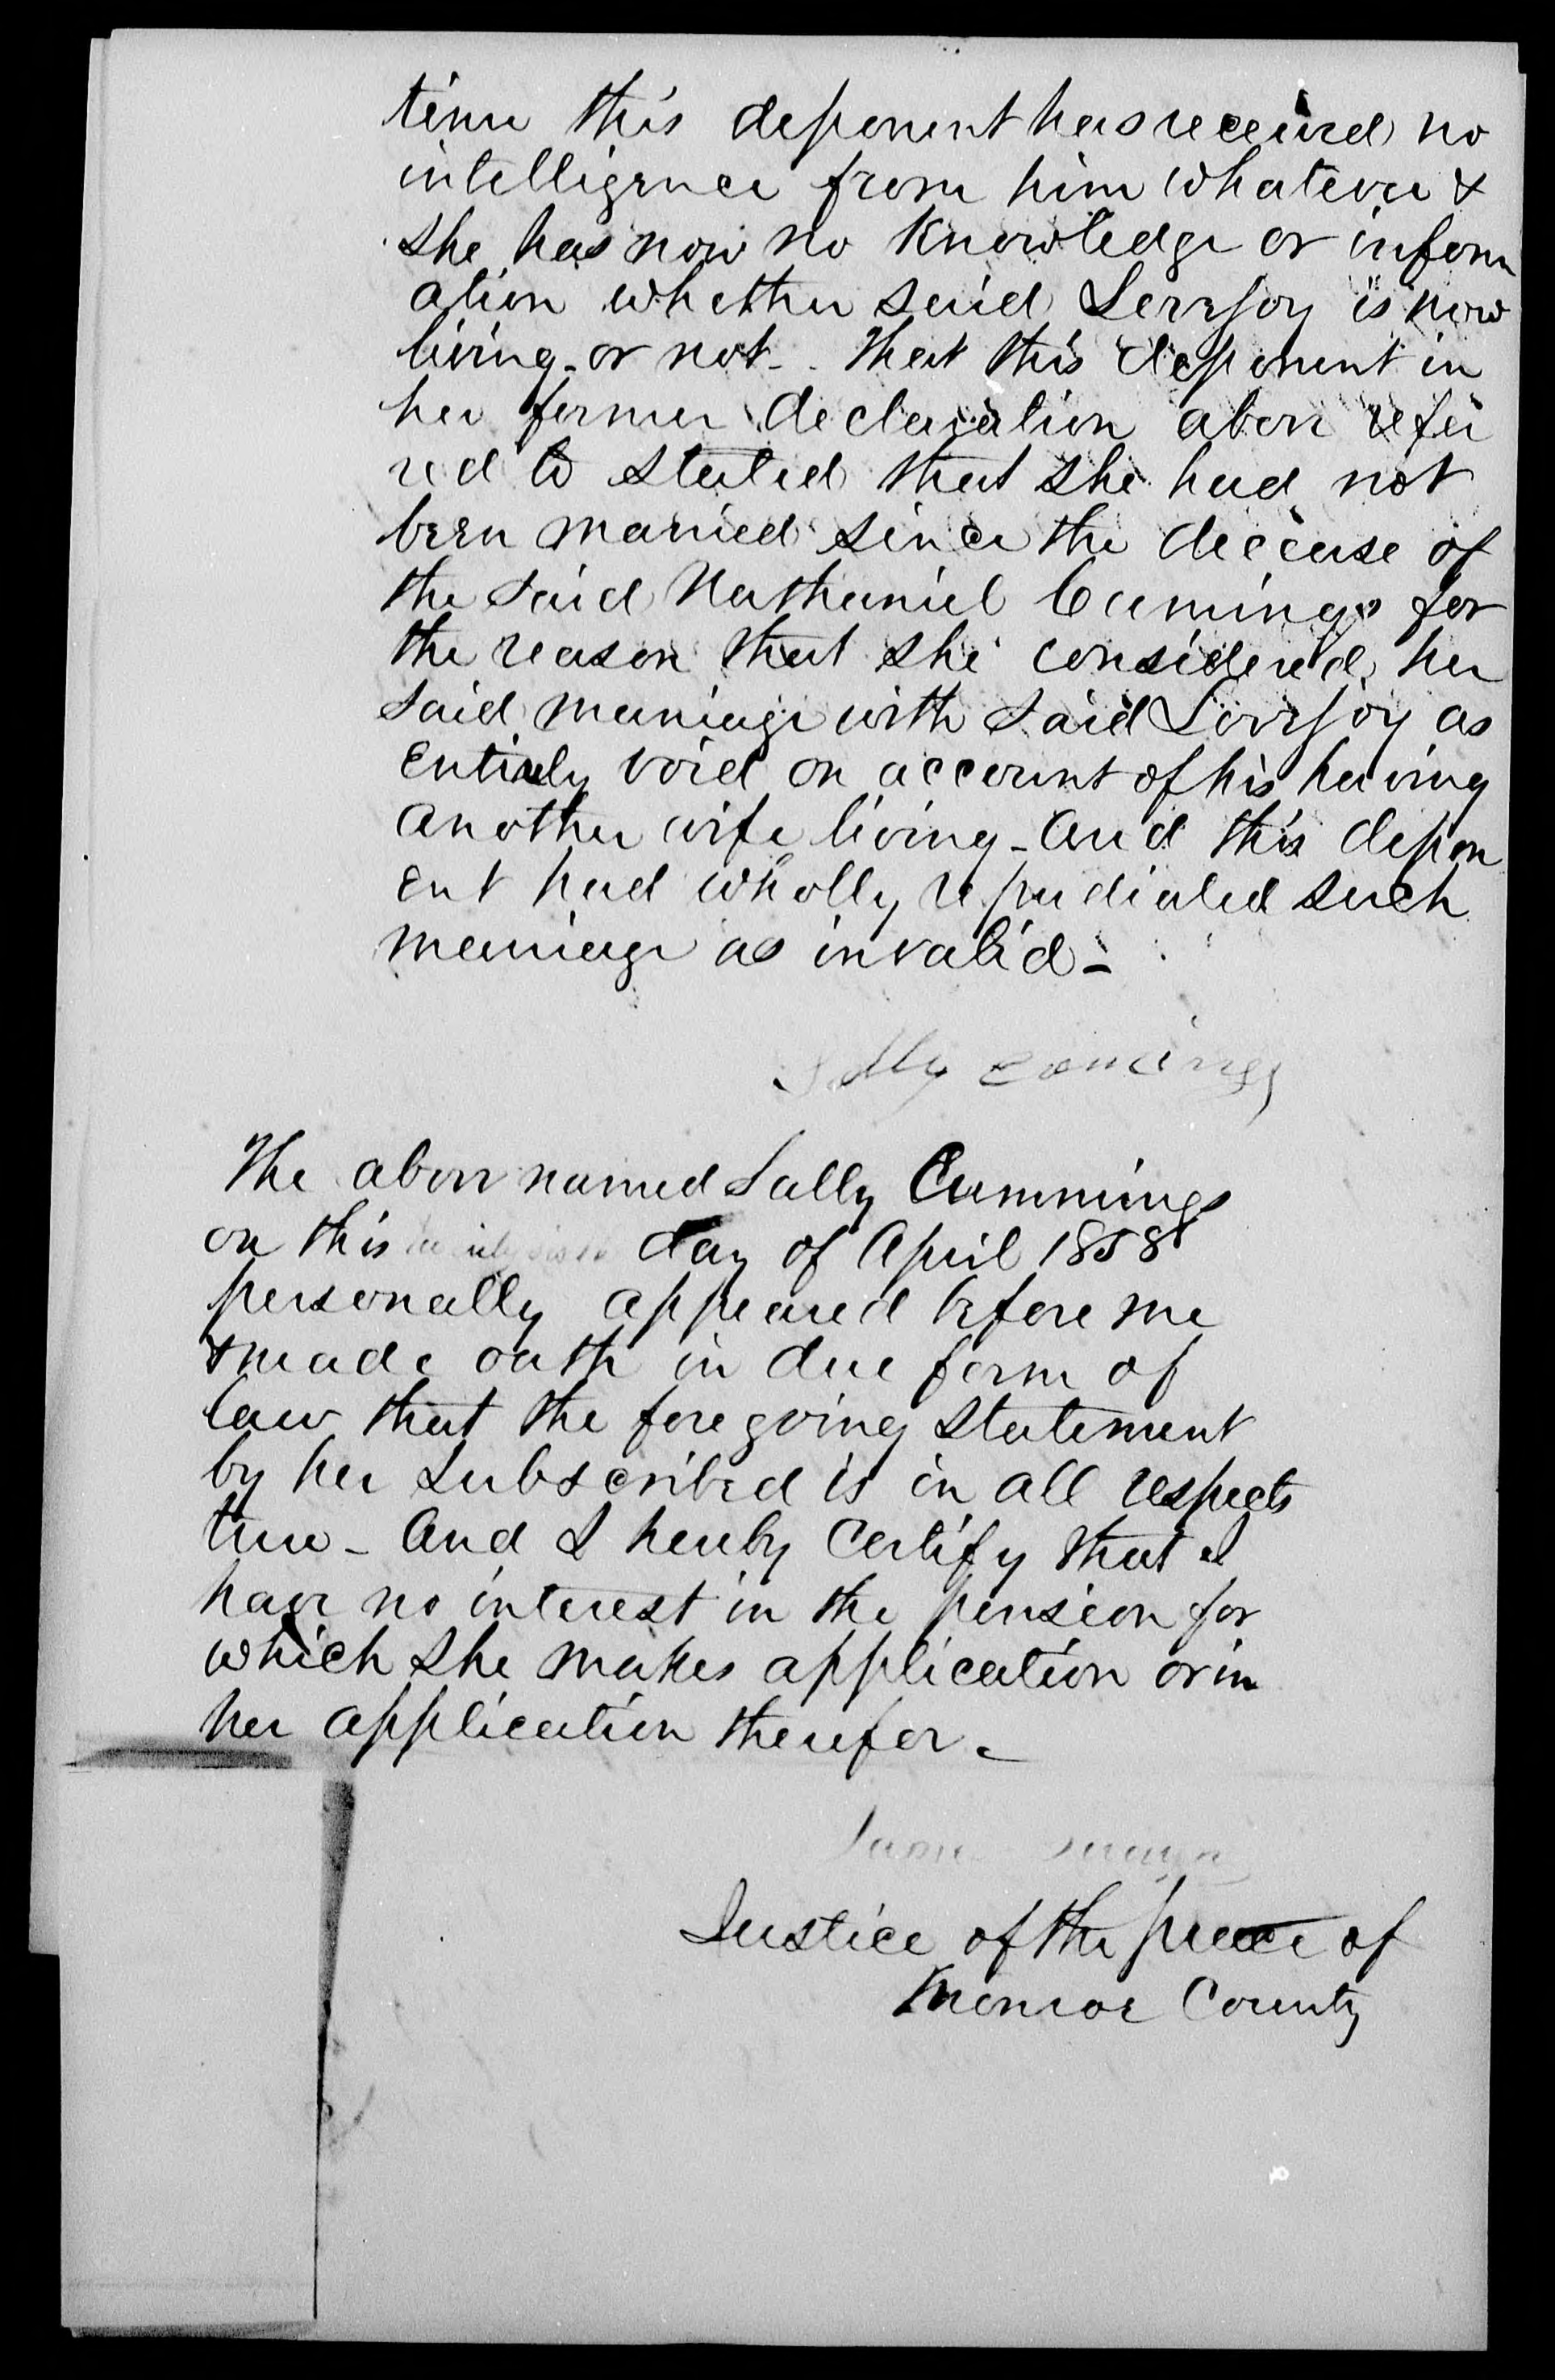time this deponent has received no
intelligence from him whatever &
she has now no knowledge or inform
ation whether said Loveloy is now
living or not that this deponent in
her former declaration above refer
red to stated that she had not
been married since the decease of
the said Nathaniel Cumings for
the reason that she considered per
the reason that she considered her
said marriage with said Lovejoy as
entirely void on account of his having
another wife living, and this depon
ent had wholly repudiated such
marriage as invalid.
Sally cumings
The above named Sally Cummings
on this twenty sixth day of April 1858
personally appeared before me
& made oath in due form of
law that the foregoing statement
by her subscribed is in all respects
true. And I hereby certify that I
have no interest in the pension for
which she makes application or in
her application therefore-
James Swayne
Justice of the peace of
Monroe County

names: Nathaniel Cumings, James Swayne, Lovejoy, Sally Cummings, Lovejoy, Sally Cumings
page: 12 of 41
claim: widow's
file: W. 9819, Nathaniel Cumings, Vt.